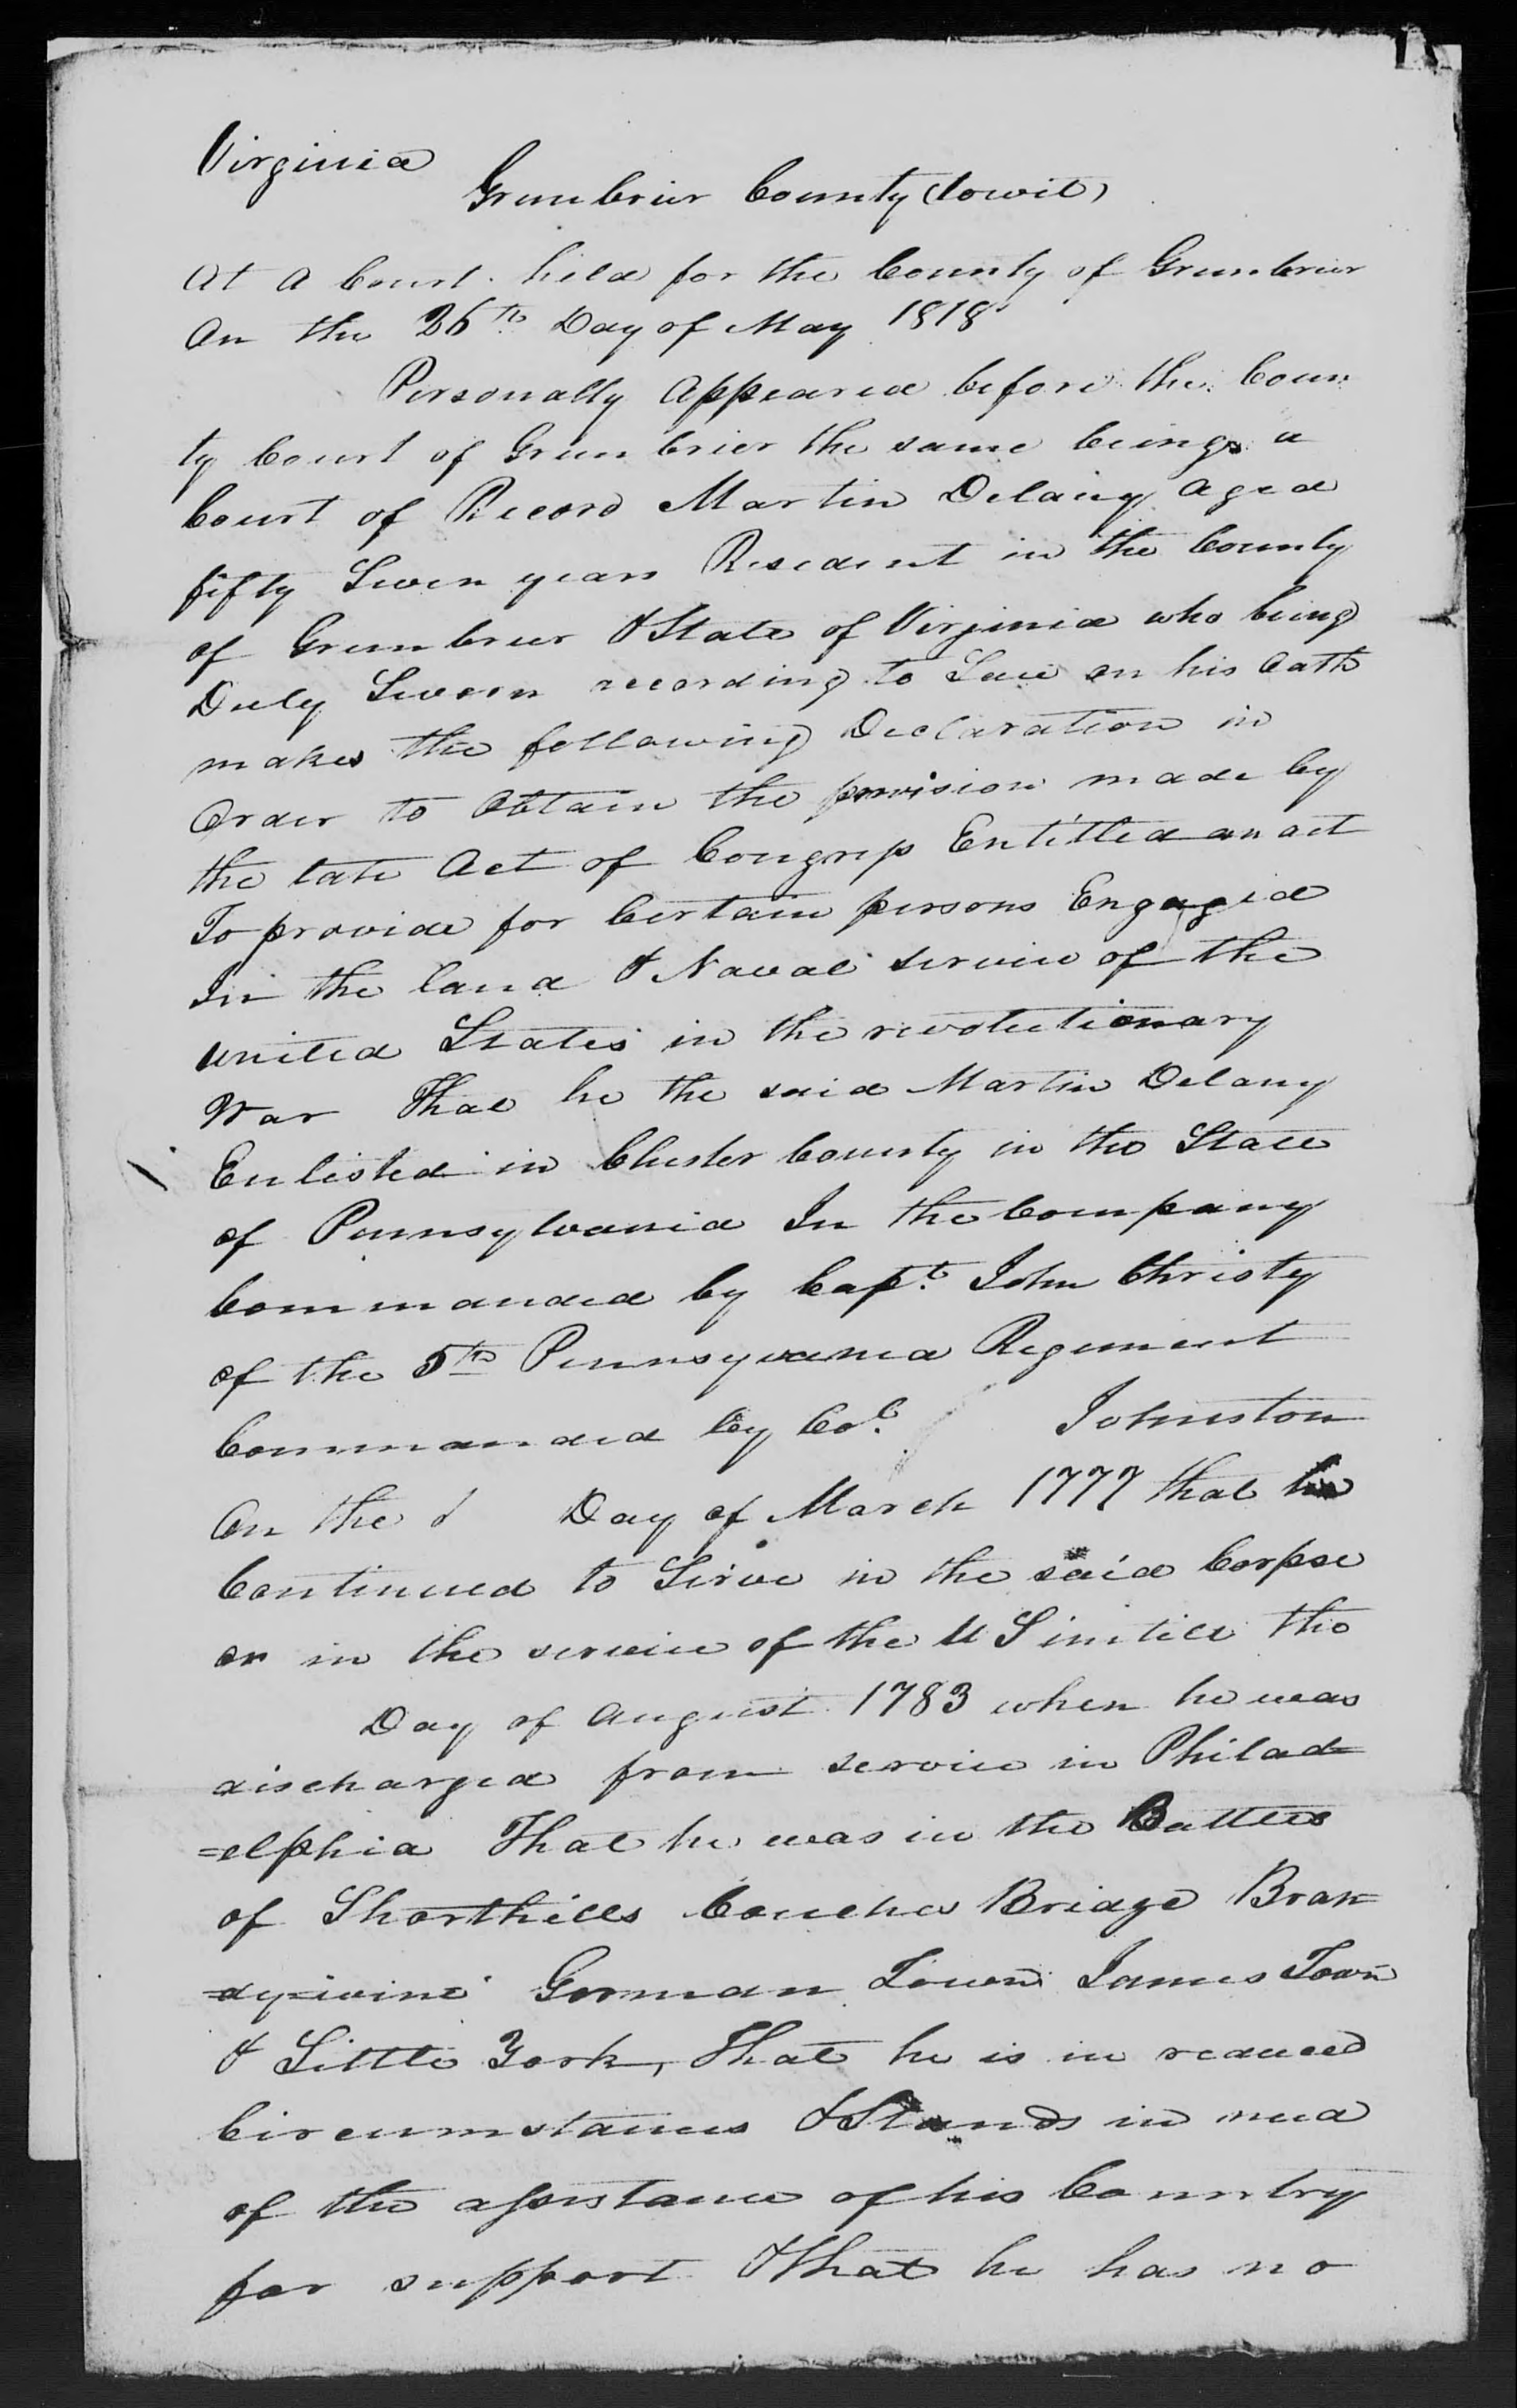Virginia
Greenbrier County (towit)
At a Court held for the County of Greenbrier
On the 26th day of May 1818
Personally appeared before the Court by Court of Greenbrier, the same being a Court of Record, Martin Delaney, aged fifty-seven years, resident in the County of Greenbrier & State of Virginia, who being Duly Sworn according to Law on his oath, makes the following declaration in order to obtain the provision made by the late act of Congress Entitled "An act to provide for certain persons engaged
In the land & Naval service of the United States in the revolutionary War."
That he, the said Martin Delany, enlisted in Chester County in the State of Pennsylvania in the Company commanded by Capt. John Christy of the 5th Pennsylvania Regiment
Commanded by Col.      Johnston on the of
day of March 1777, that he continued to serve in the said Corps in the service of the US until the     day of August 1783 when he was
discharged from service in Philadelphia, that he was in the Battles of Shorthill Counties Bridge Brandywine, Germantown, Jamestown & Little York, that he is in reduced cCircumstances & stands in need of the assistance of his country
for support, that he has no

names: Martin Delany, Martin Delany, John Christy, Johnston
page: 9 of 22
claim: survivor's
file: S. 3,9425, Martin Delany, Penn.